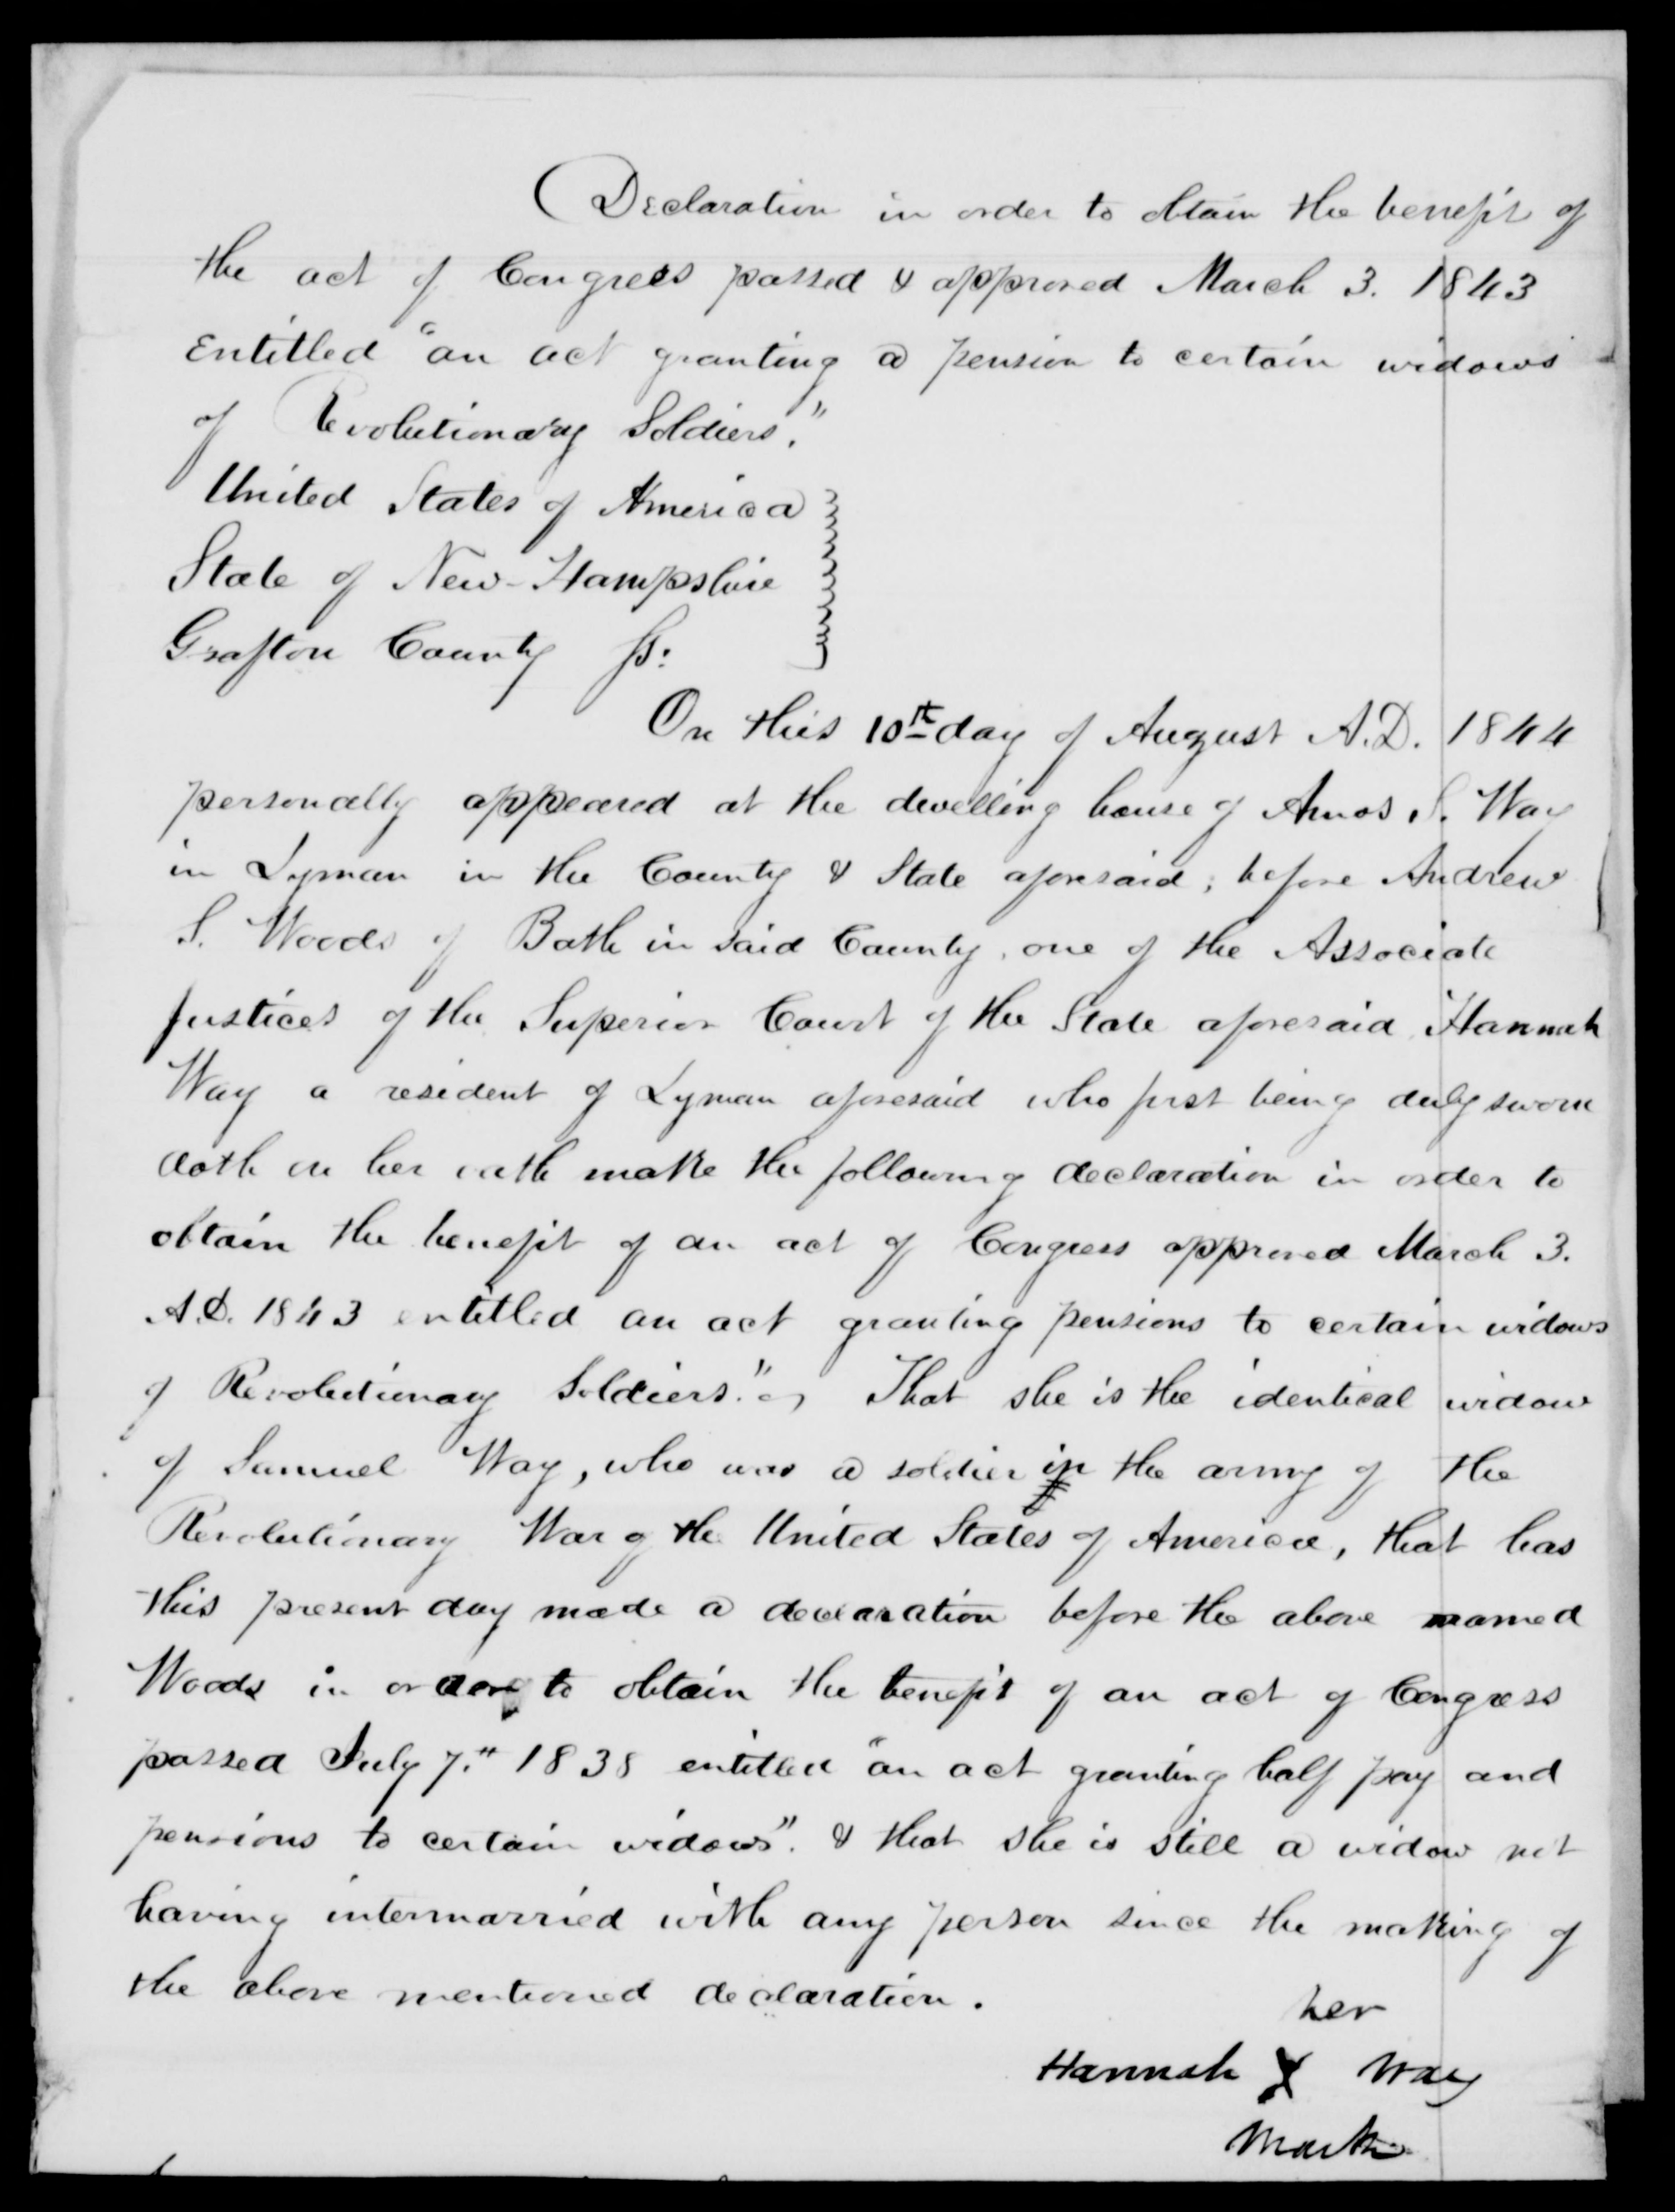Declaration in order to obtain the benefit of
the act of Congress passed & approved March 3. 1843
entitled "an act granting a pension to certain widows
of
Revolutionary Soldiers
United States of America
State of New Hampshire
Grafton County SS.
personally
On this 10th day of August A.D.
1844 personally
appeared at the dwelling house of Amos S. Way
in Lyman in the County & State aforesaid, before Andrew
S. Woods of Bath in said County, one of the Associate
Justices of the Superior Court of the State aforesaid Hannah
Way a resident of Lyman aforesaid who first being duly sworn
doth on her oath make the following declaration
in order to
obtain the benefit of an act of Congress approved March 3
A.D. 1843 entitled an act granting pensions to certain widows
of Revolutionary Soldiers. That she is the identical
widow
of Samuel Way, who was a soldier in the army of the
Revolutionary War of the United States of America, that has
this present day made a declaration before the above named
Woods in order to obtain the benefit of an act of Congress
passed July 7th 1838 entitled "an act granting half pay and
pensions to certain widows"" & that she is still a widow not
having intermarried with any person since the making of
the above mentioned declaration.
her
Hannah Way
mark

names: Amos S Way, Andrew S Woods, Hannah Way, Samuel Way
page: 77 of 78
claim: widow's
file: W. 25856, Samuel Way, N.H.